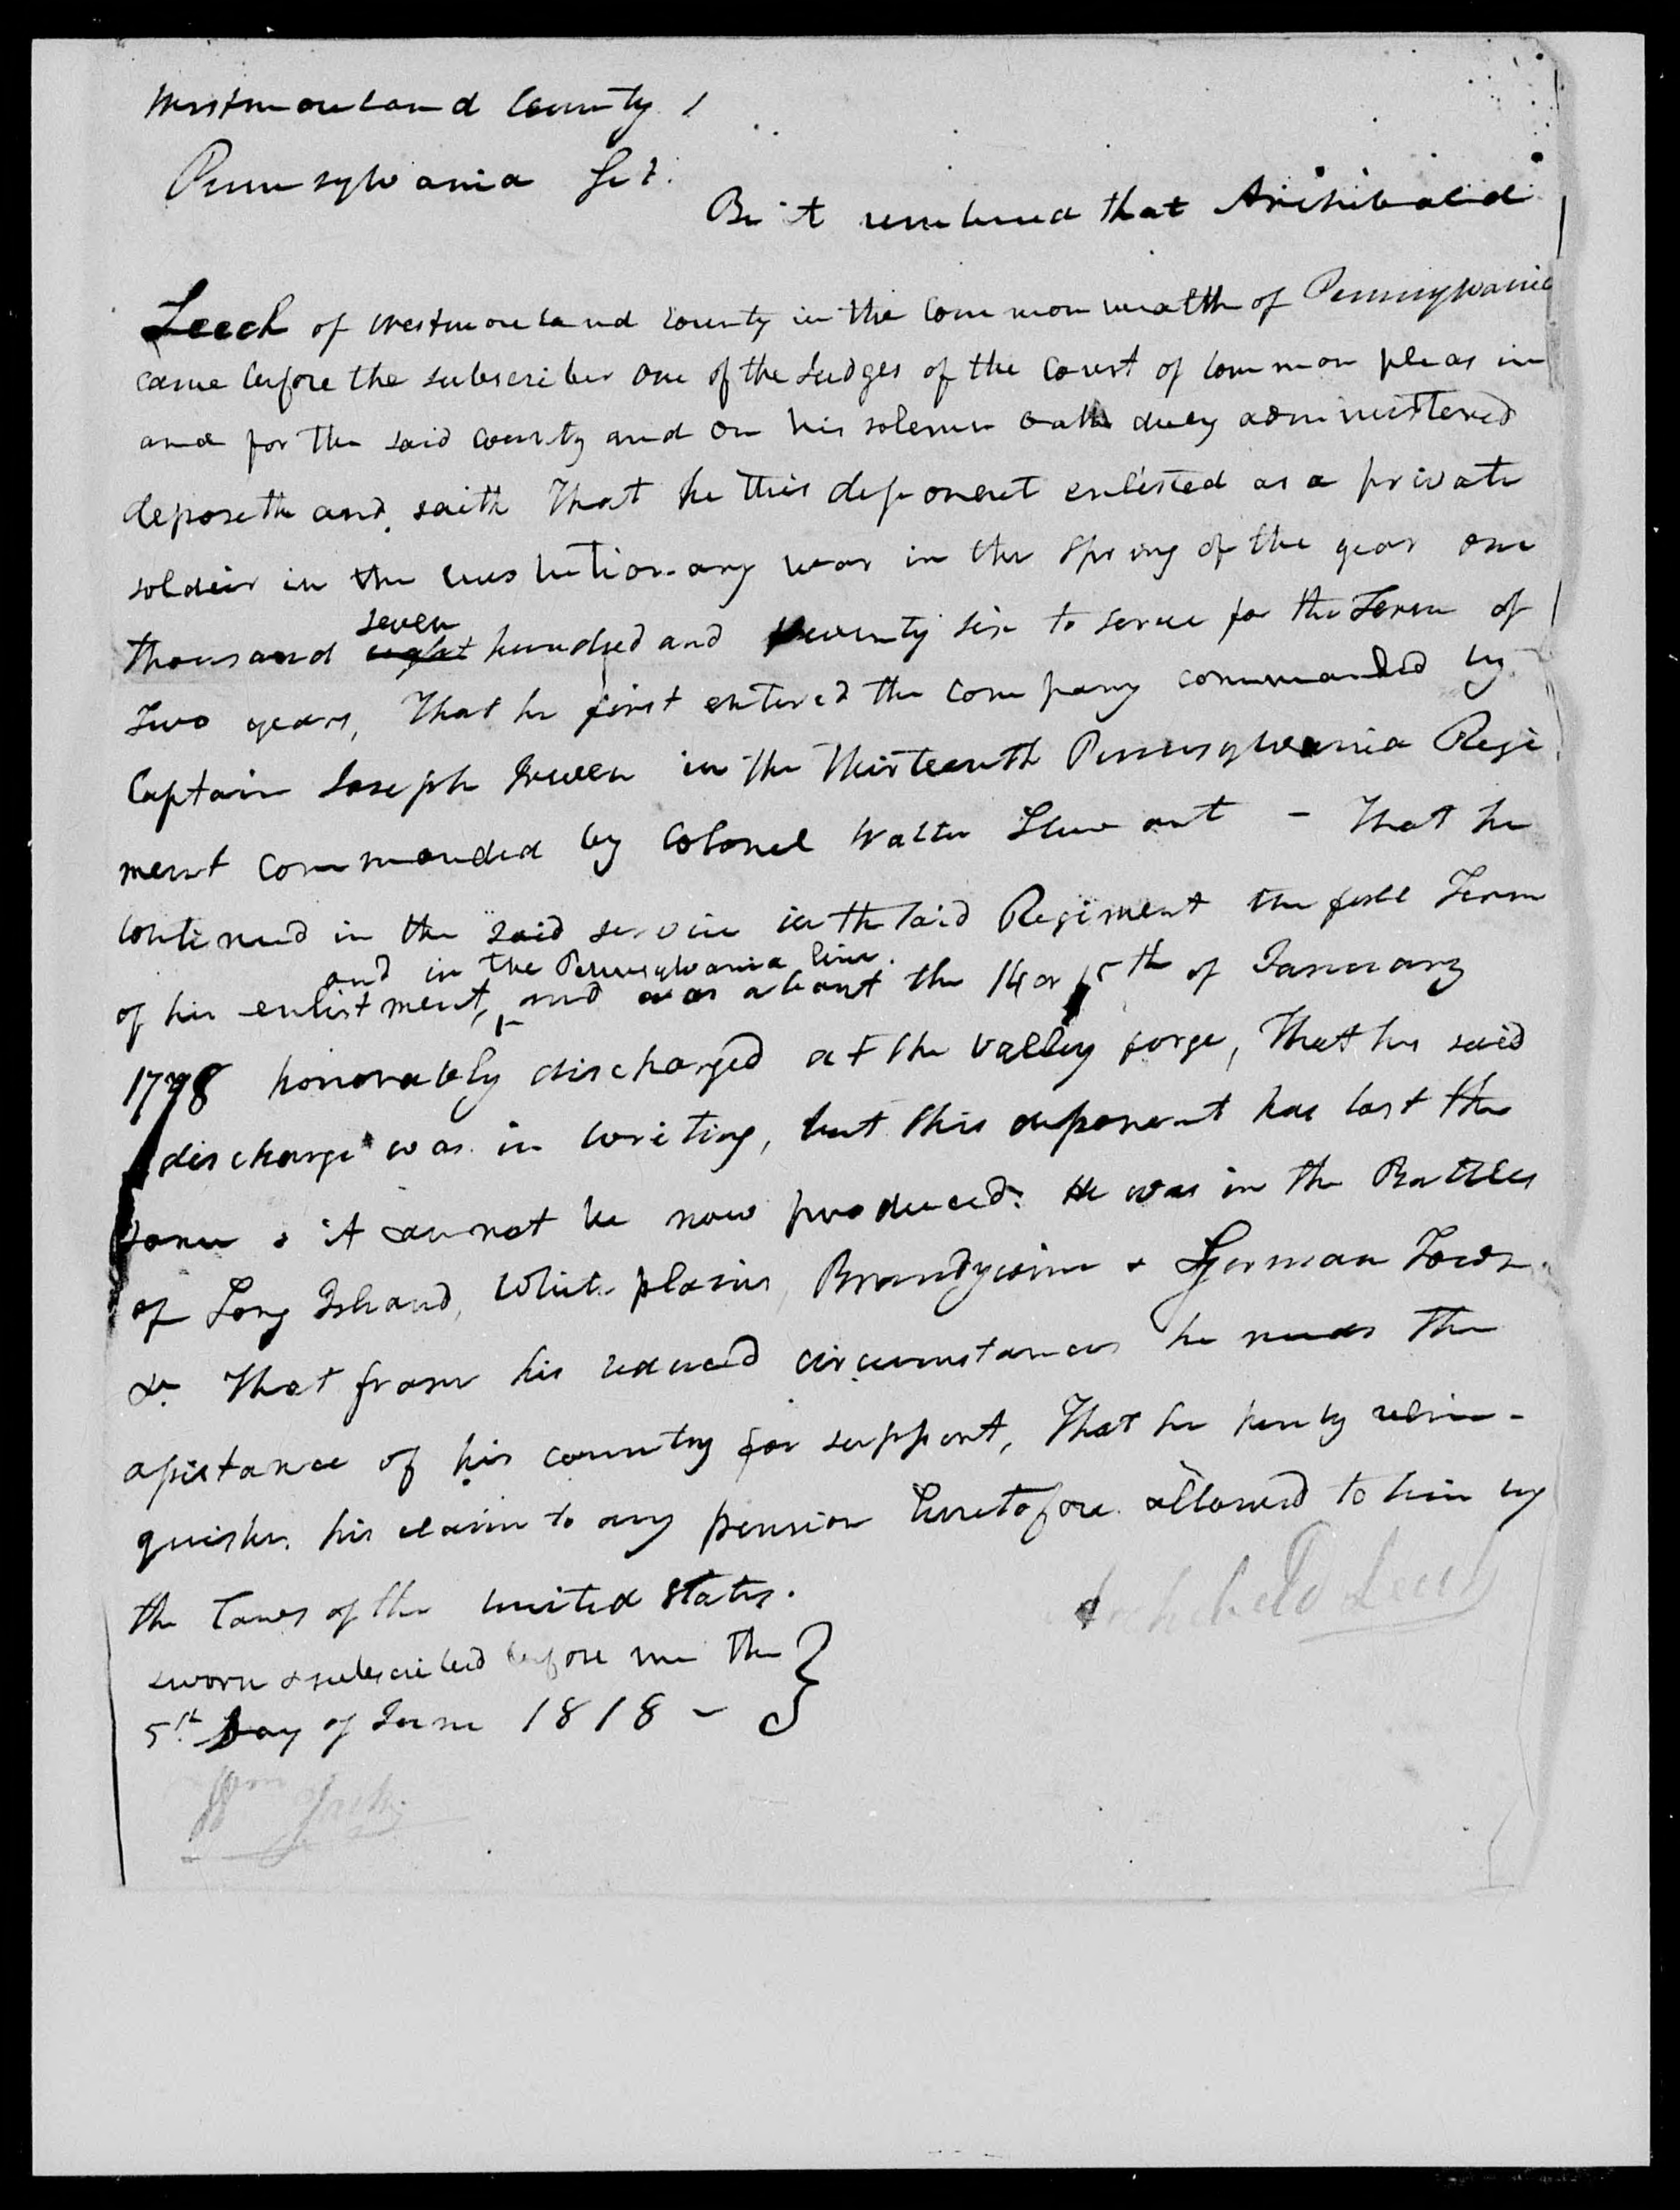Westmorland County
Pennsylvania SS.
Be it remembered that Archibald Leech of Westmoreland County in the Commonwealth of Pennsylvania, came before the subscriber, one of the Judges of the Court of Common pleas in and for the said County, and on his solemn oath duly administered deposeth and saith that he, this deponent, enlisted as a private soldier in the Revolutionary War in the spring of the year one thousand seven hundred and seventy-six to serve for the Term of two years. That he first entered the company commanded by Captain Joseph Green in the Thirteenth Pennsylvania Regiment commanded by Colonel Walter Stewart. That he continued in the said service in the said Regiment the full term of his enlistment and in the Pennsylvania line, and on or about the 14th or 15th of January, 1778, honorably discharged at the Valley Forge, that his said discharge was in writing, but this deponent has lost the form and it cannot be now produced. He was in the Battles of Long Island, White Plains, Brandywine and Germantown. That from his reduced circumstances, he needs the assistance of his country for support. That he hereby relinquishes his claim to any pension heretofore allowed to him by the laws of the United States.
Archibald Leech
Sworn and subscribed before me the 5th day of June, 1818.
Wm. Jack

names: Joseph Irwen; Walter Stewart; Archibald Leech; Wm Jack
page: 4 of 20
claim: survivor's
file: S. 40,935, for Archibald Leech, Pennsylvania